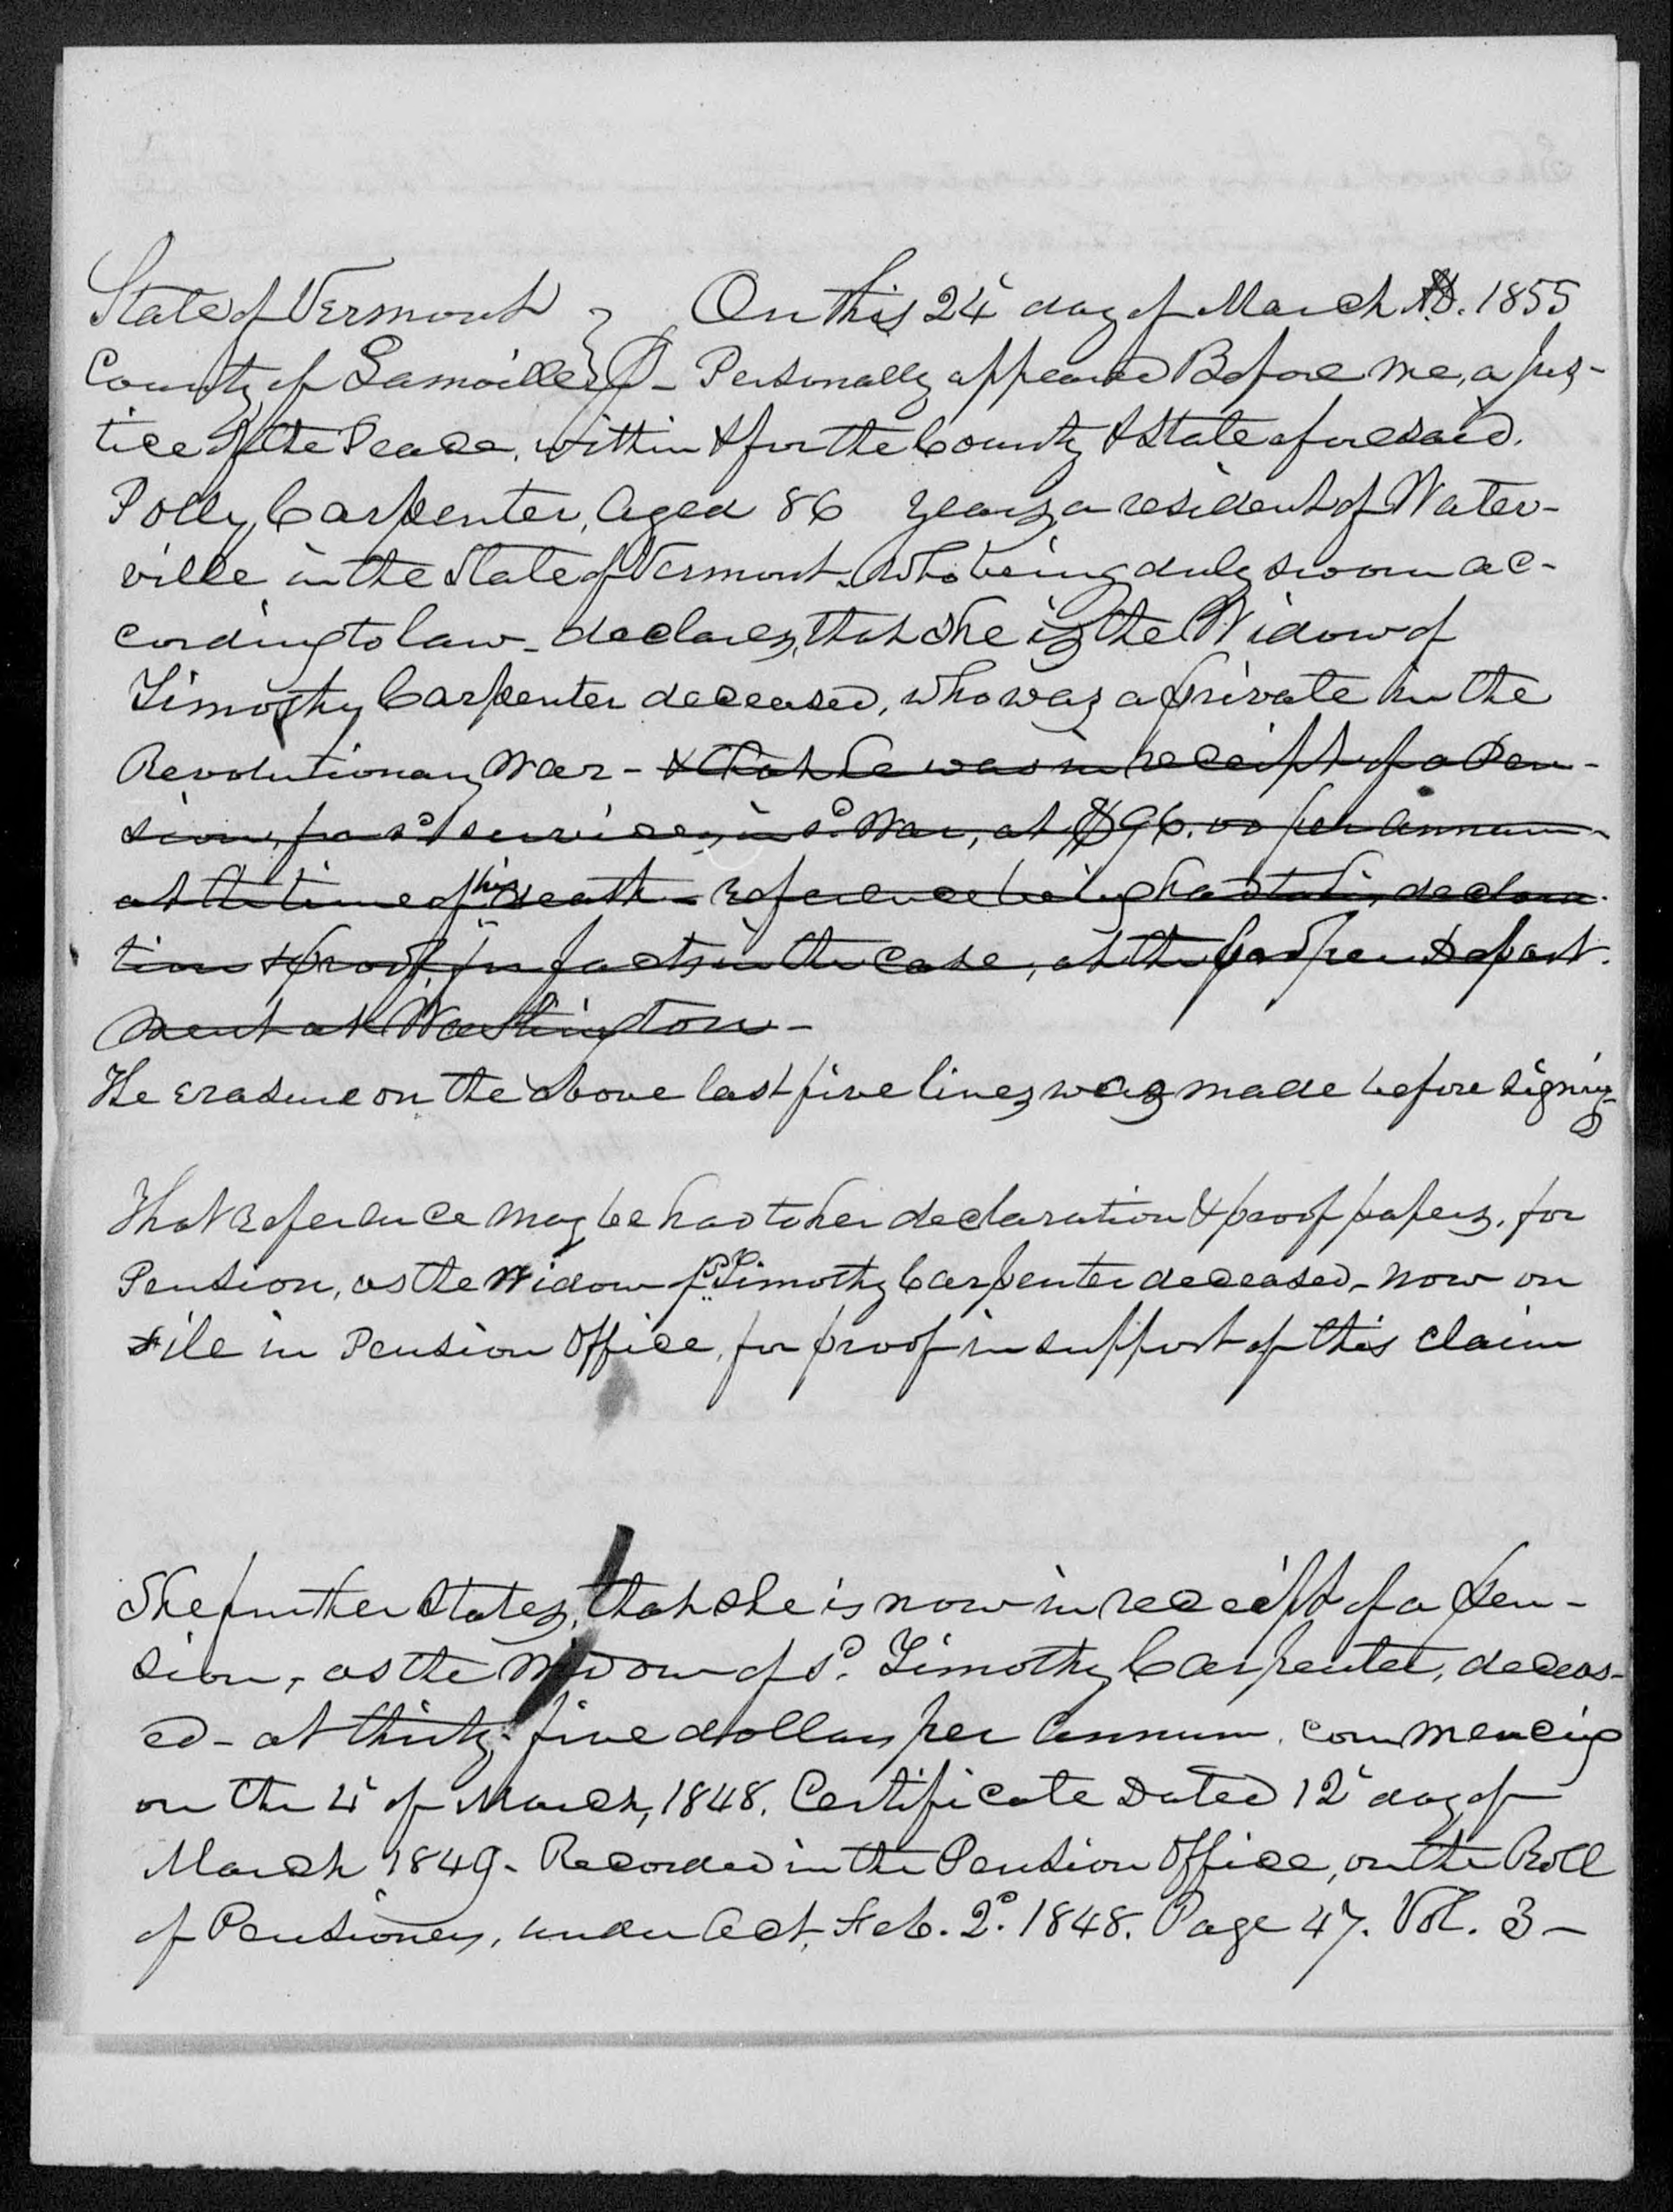State of Vermont
County of Lamoille} SS On this 24th day of March A.D. 1855 Personally appeared Before me, a Justice of the Peace, within & for the County & State aforesaid. Polly Carpenter, aged 86 years a resident of Waterville in the State of Vermont who being duly sworn according to law - declares, that she is the Widow of Timothy Carpenter deceased, who was a private i the Revolutionary War - ['& that he was in receipt of a Pension for s'd service in s'd War, at $96.00 per annum at the time of his death - reference being made to his declaration + proof for facts in the case, at the [illegible] Department at Washington - ' crossed out]
The erasure on the above last five lines was made before signing - 
That reference may be had to her declaration + proof papers, for Pension, as the widow of s'd Timothy Carpenter deceased - now on file in the Pension Office for proof in support of this claim

She further states that she is now in receipt of a pension, as the widow of s'd Timothy Carpenter, deceased - at thirty five dollars per annum, commencing on the 4th of March, 1848. Certificate Cates 12th day of March 1849. Recorded in the Pension Office, on the Roll of Pensioners, under Act Feb. 2d. 1848. page 47. Vol. 3 -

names: Timothy Carpenter, Polly Carpenter, Timothy Carpenter, Timothy Carpenter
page: 13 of 41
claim: widow's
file: W. 15627, Timothy Carpenter, Vt.